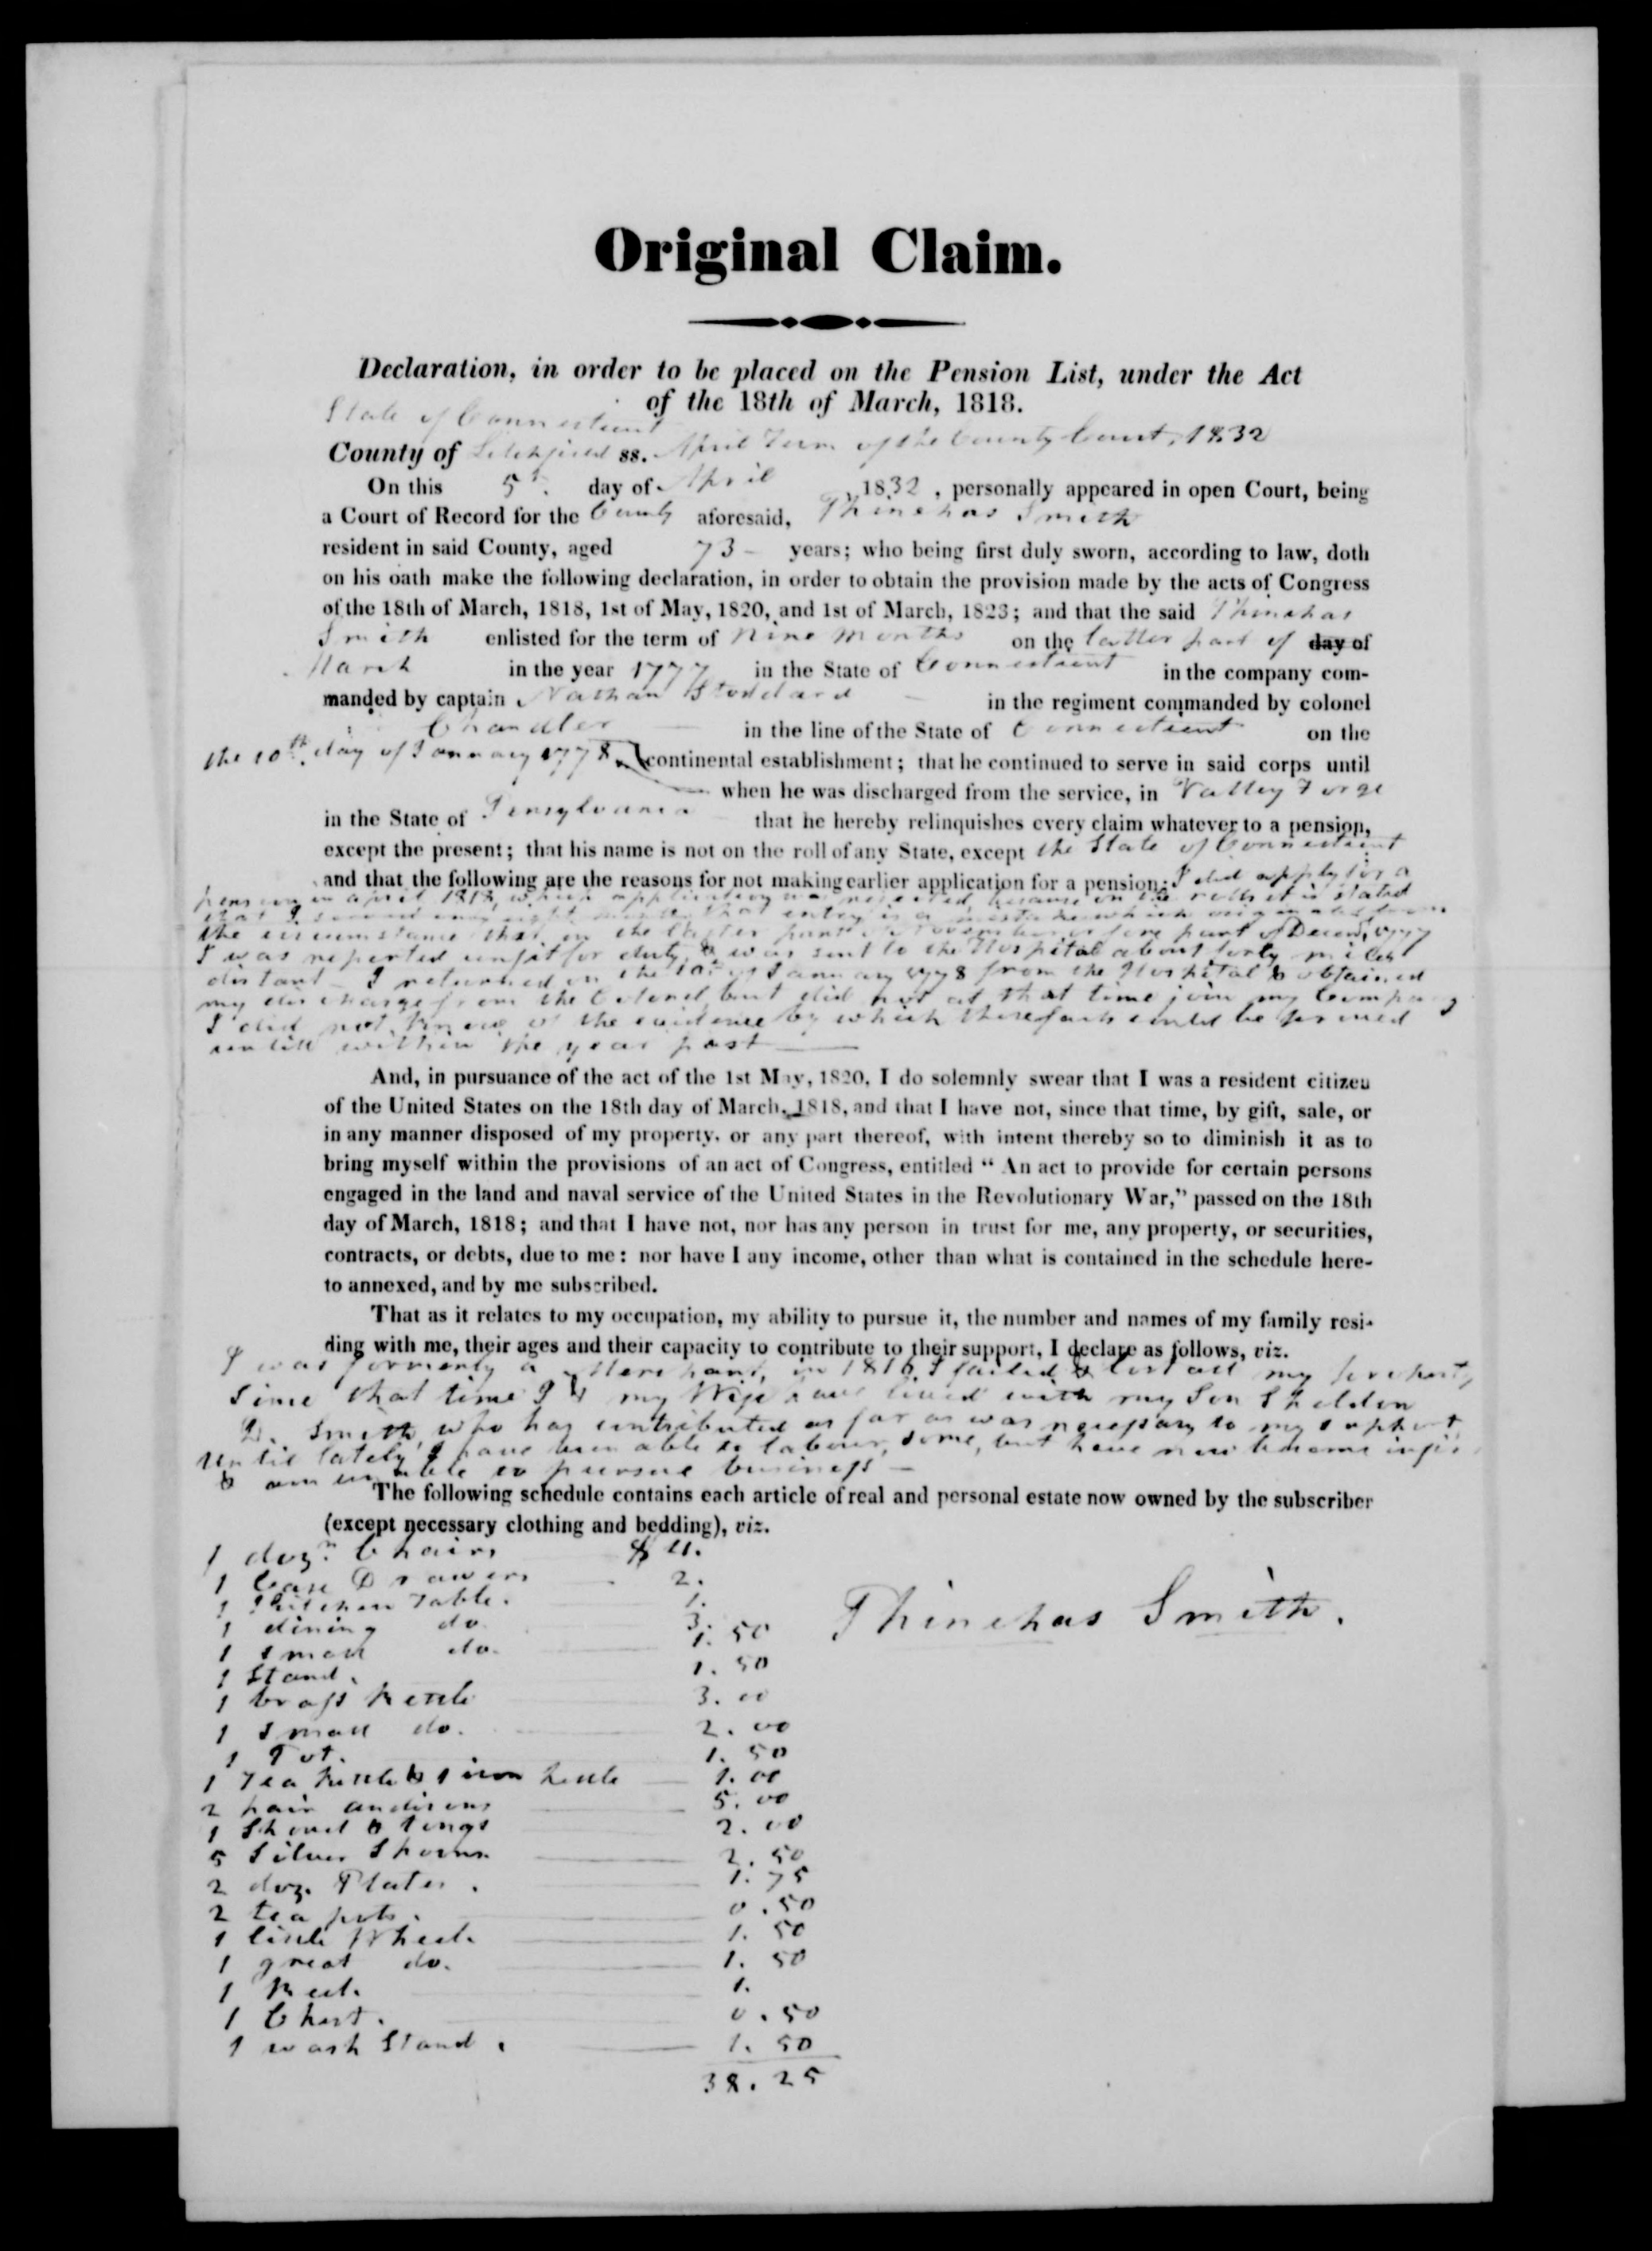Original Claim. 
Declaration, in order to be placed on the Pension List, under the Act State of the 18th of March, 1818. 
State of Connecticut
County of Litchfield. ss  April Term of the County Court 1832 
On this 5th day of April 1832, personally appeared in open Court, being a Court of Record for the County aforesaid, Thomas Smith resident in said County, aged 73 years; who being first duly sworn, according to law, doth on his oath make the following declaration, in order to obtain the provision made by the acts of Congress of the 18th of March, 1818, 1st of May, 1820, and 1st of March, 1823; and that the said Phinehas Smith enlisted for the term of nine months on the latter part of day of March in the year 1777 in the State of Connecticut in the company commanded by Captain Nathan Stoddard in the regiment commanded by Colonel Chandler in the line of the State of Connecticut on the continental establishment; that he continued to serve in said corps until the 10th day of January 1778  when he was discharged from the service, in Valley Forge in the state of Pennsylvania  that he hereby relinquishes every claim whatever to a pension except the present; that his name is not on the roll of any state, except the State of Connecticut and that the following are the reasons for not making earlier application for a pension:  
I did apply for a pension  in April 1818, which application was rejected because in [unreadable] I tis stated that I served only eight months that entry is a [unreadable] which originated from the circumstances that in the latter part of November or fore part of December 1777 I was reported unfit for duty & was sent to the Hospital about forty miles distant.  I returned in the [unreadable] of January 1778 from the Hospital & obtained my discharge from the Colonel but did not at that time join my Company, I did not know of the evidence by which these facts  could be presented untill within the year past.
And, in pursuance of the act of the 1st May, 1820, I do solemnly swear that I was a resident citizen of the United States on the 18th day of March, 1818, and that I have not, since that time, by gift, sale, or in any manner disposed of my property, or any part thereof, with intent thereby so to diminish it as to bring myself within the provisions of an act of Congress, entitled "An act to provide for certain persons engaged in the land and naval service of the United States in the Revolutionary War,” passed on the 18th day of March, 1818; and that I have not, nor has any person in trust for me, any property, or securities, contracts, or debts, due to me; nor have I any income, other than what is contained in the schedule hereto annexed, and by me subscribed. 
That as it relates to my occupation, my ability to pursue it, the number and names of my family residing with me, their ages and their capacity to contribute to their support, I declare as follows, viz. 
I was formerly a Merchant, in 1816, I failed & lost all my property.  Since that time I & my wife was lived with my son Sheldon D. Smith who has contributed as far as was necessary to my support.  Until lately I have been able by labour some, but have now become [unreadable] & am unable  to pursue business.   
The following schedule contains each article of real and personal estate now owned by the subscriber (except necessary clothing and bedding), viz. 
1 doz Chairs          $4.
1 Case Drawers      2.
1 Kitchen Table      1.
1 Dining Table        3.
1 small table           1.50
1 Stand                   1.50
1 brass kettle          3.00
1 small Kettle         2.00
1 Tut                       1.50
1 Tea Kettle & iron Kettle 1.00
2 pair andirons        5.00
1 shovel & tongs     2.00
5 Silver Spoons       2.50
2 doz. Plates            1.75
2 tea pots                 0.50
1 little Wheel          1.50
1 great Wheel         1.50
1 Bed                      1.
1 Chest                   0.50
1 wash stand          1.50
38.25
Phinehas Smith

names: [BLANK] Chandler; Sheldon D Smith; Phinehas Smith; Nathan Stoddard; Phinehas Smith; Phinehas Smith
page: 6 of 55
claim: widow's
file: W. 11480, for Phinehas Smith, Connecticut